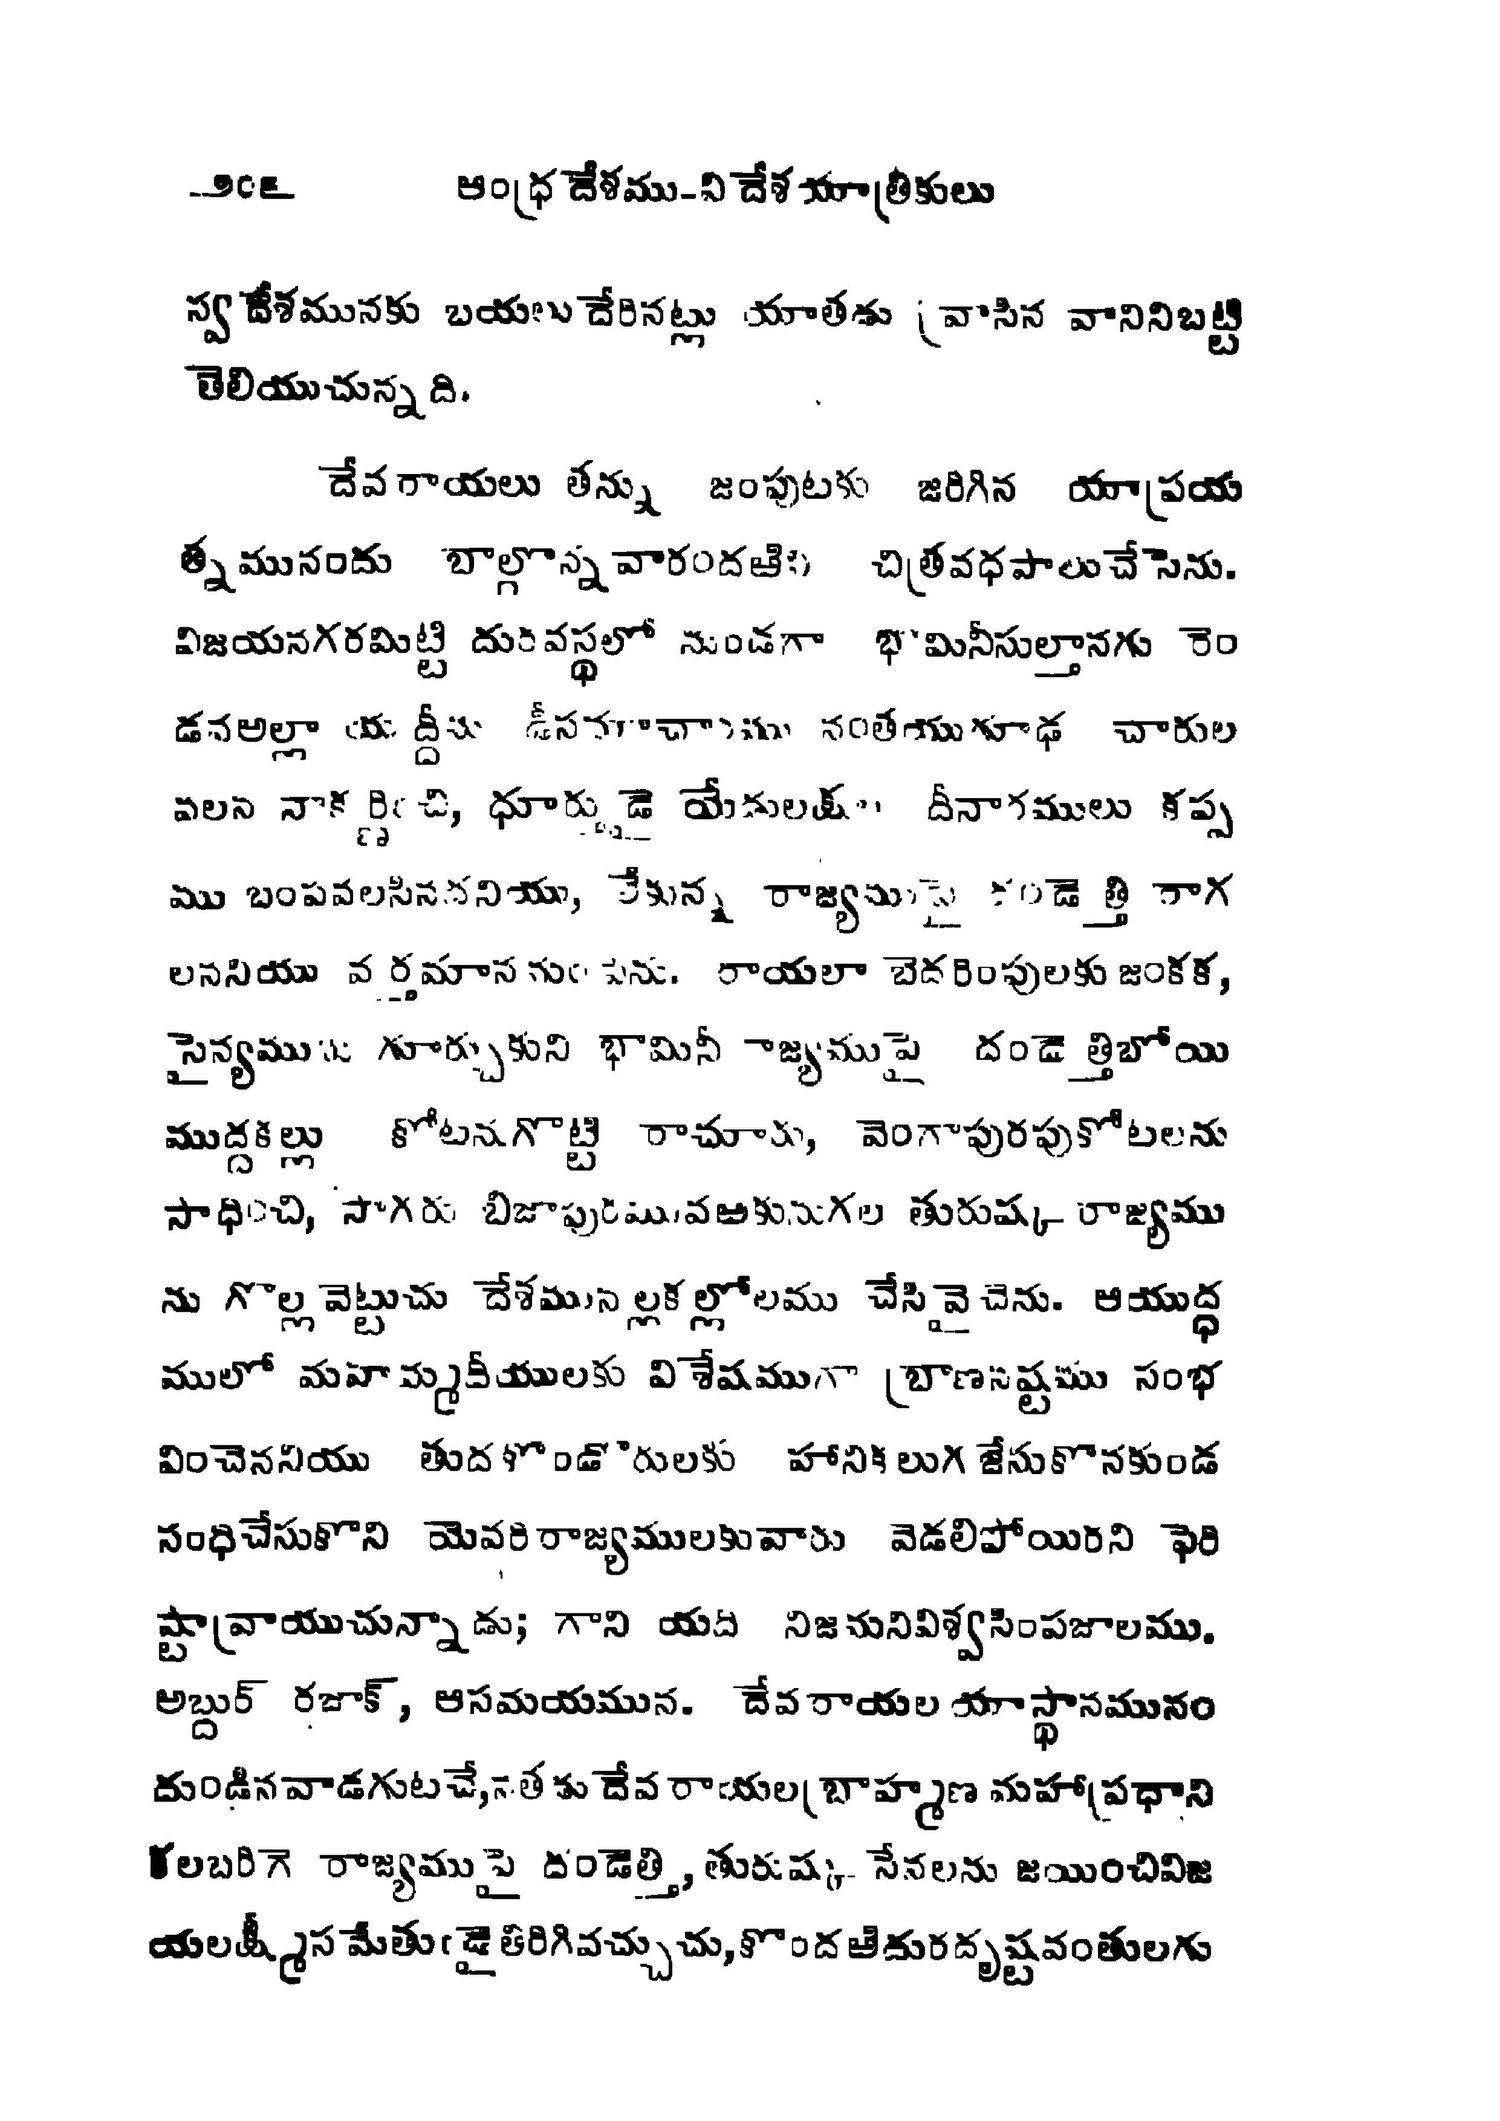స్వదేశమునకు బయలుదేరినట్లు యాతడు వ్రాసిన వానినిబట్టి తెలియుచున్నది.

దేవరాయలు తన్ను జంపుటకు జరిగిన యాప్రయత్నమునందు బాల్గొన్నవారందఱిని చిత్రవధపాలుచేసెను. విజయనగరమిట్టి దురవస్థలో నుండగా భామినీసుల్తానగు రెండవఅల్లా యుద్దీను డీసమాచారము నంతయుగూడ చారులవలన నాకర్ణించి, ధూరుడై యేడులక్షల దీనారములు కప్పము బంపవలసినదనియు, లేకున్న రాజ్యముపై దండెత్తి రాగలననియు వర్తమానమంపెను. రాయలా బెదరింపులకు జంకక, సైన్యమును గూర్చుకుని భామినీ రాజ్యముపై దండెత్తిబోయి మద్దకల్లు కోటనుగొట్టి రాచూరు, వెంగాపురపుకోటలను సాధించి, సాగరు బిజాపురము వఱకును గల తురుష్క రాజ్యమును గొల్లవెట్టుచు దేశమునల్లకల్లోలము చేసివైచెను. ఆయుద్ధములో మహమ్మదీయులకు విశేషముగా బ్రాణనష్టము సంభవించెననియు తుదకొండొరులకు హానికలుగజేసుకొనకుండ సంధిచేసుకొని యెవరిరాజ్యములకువారు వెడలిపోయిరని ఫెరిష్టావ్రాయుచున్నాడు; గాని యది నిజమని విశ్వసింపజాలము. అబ్దుర్ రజాక్, ఆసమయమున, దేవరాయల యాస్థానమునందుండిన వాడగుటచే, నతడు దేవరాయల బ్రాహ్మణ మహాప్రధాని కలబరిగె రాజ్యముపై దండెత్తి, తురుష్కసేనలను జయించి విజయలక్ష్మీ సమేతుడై తిరిగివచ్చుచు, కొందఱి దురదృష్టవంతులగు